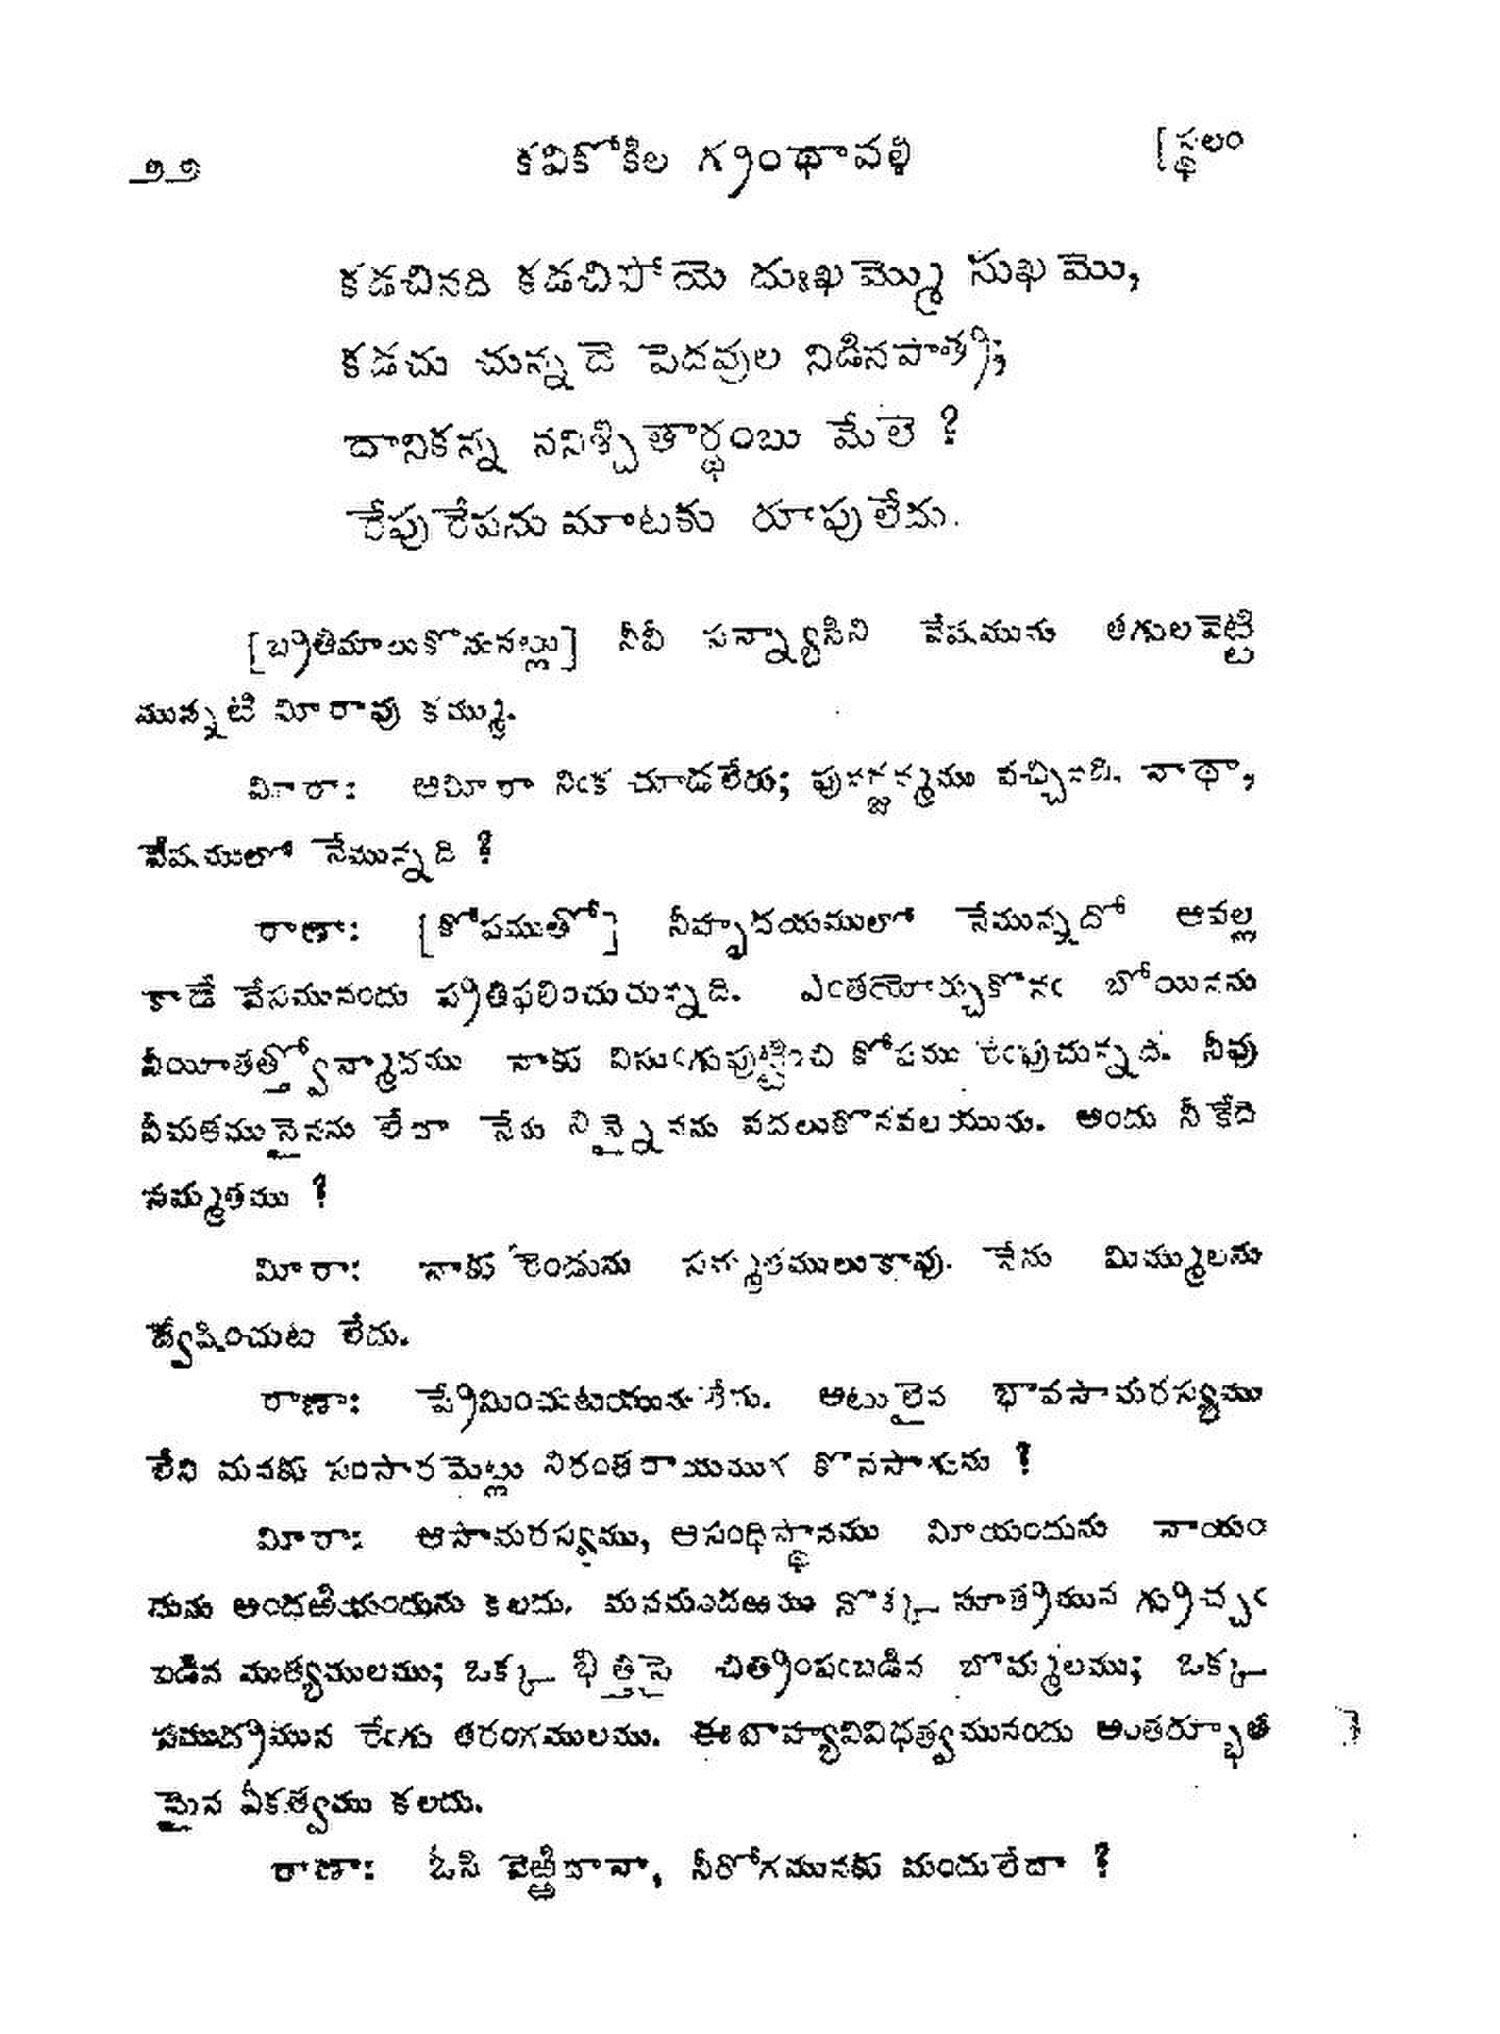కడచినది కడచిపోయె దు:ఖమ్మొ సుఖమొ,
 కడచు చున్నదె పెదవుల నిడినపాత్ర;
 దానికన్న ననిశ్చితార్థంబు మేలె?
 రేపు రేపను మాటకు రూపులేదు

[బ్రతిమాలుకొనునట్లు] నీవీ సన్న్యాసిని వేషమును తగులవెట్టి మున్నటి మీరావు కమ్ము.

మీరా : ఆమీరా నిఁక చూడలేరు; పునర్జన్మము వచ్చినది. నాథా, వేషములో నేమున్నది ?

రాణా : [కోపముతో] నీహృదయములో నేమున్నదో ఆవల్లకాడే వేసమునందు ప్రతిఫలించుచున్నది. ఎంతయోర్చుకొనఁ బోయినను నీయీతత్త్వోన్మాదము నాకు విసుఁగుపుట్టించి కోపము రేఁపుచున్నది. నీవు నీమతమునైనను లేదా నేను నిన్నైనను వదలుకొనవలయును. అందు నీ కేది సమ్మతము ?

మీరా : నాకు రెండును సమ్మతములుకావు. నేను మిమ్ములను ద్వేషించుట లేదు.

రాణా : ప్రేమించుటయునులేదు. అటులైన భావసామరస్యము లేని మనకు సంసారమెట్లు నిరంతరాయముగ కొనసాగును ?

మీరా : ఆసామరస్యము, ఆసంధిస్థానము మీయందును నాయందును అందఱియందును కలదు. మనమందఱము నొక్క మాత్రమున గ్రుచ్చఁబడిన ముత్యములము; ఒక్క భిత్తిపై చిత్రింపఁబడిన బొమ్మలము; ఒక్క సముద్రమున రేఁగు తరంగములము. ఈబాహ్యవివిధత్వమునందు అంతర్భూతమైన ఏకత్వము కలదు.

రాణా : ఓసి వెఱ్ఱిదానా, నీరోగమునకు మందులేదా ?